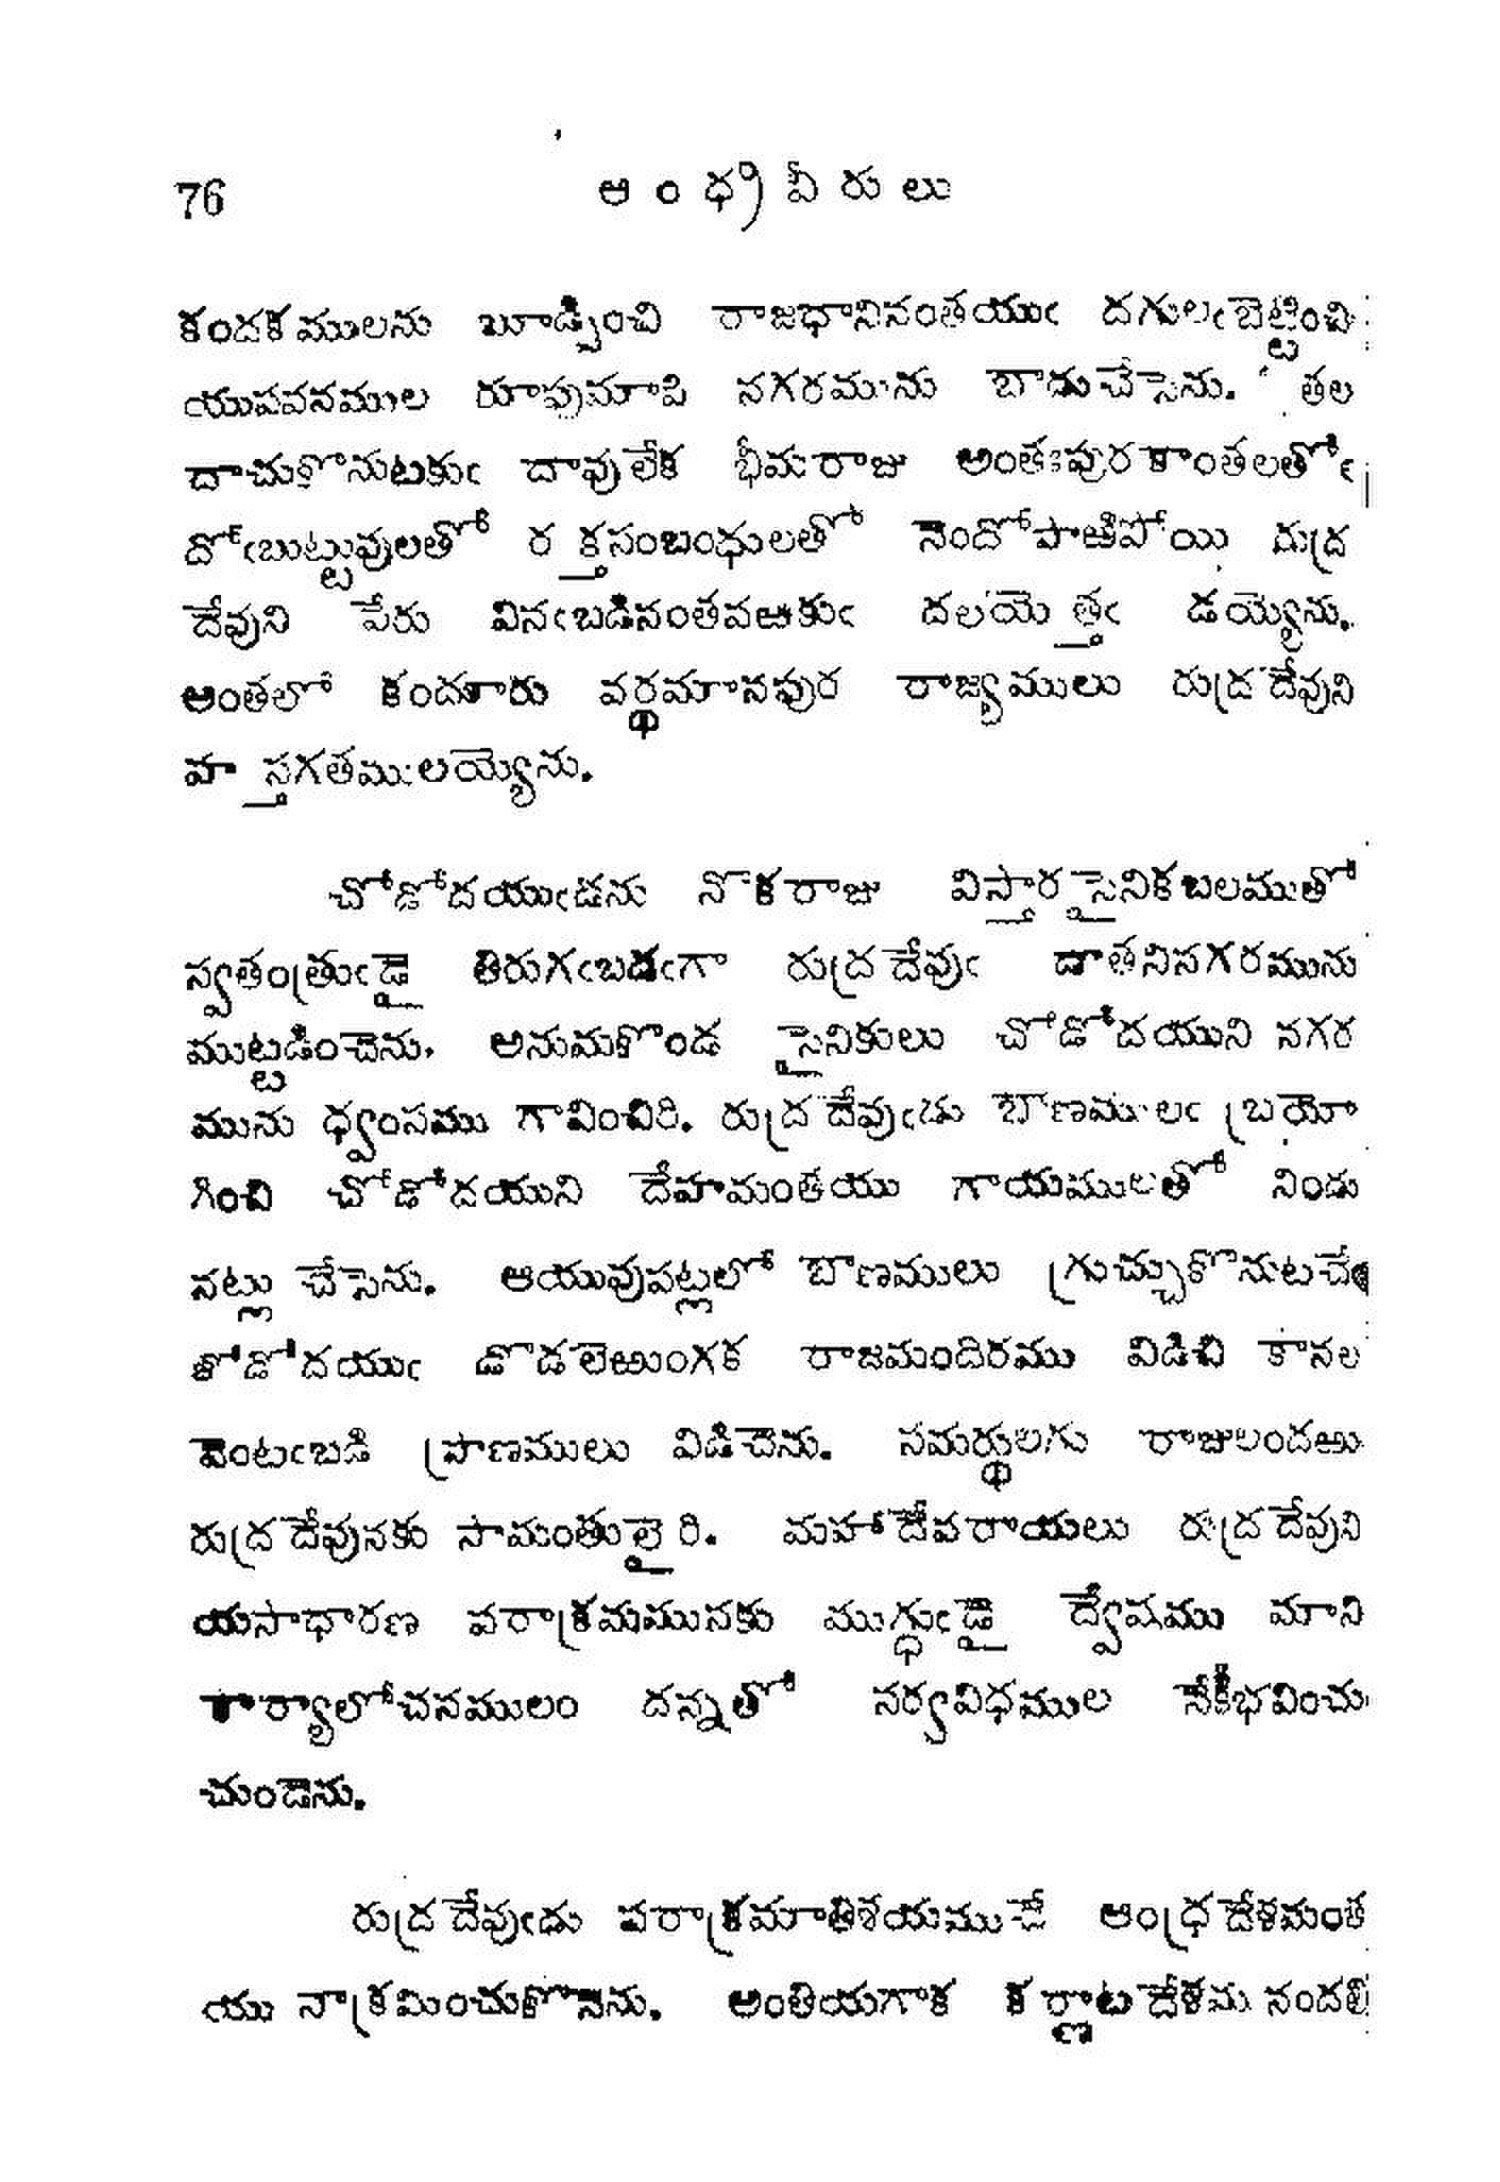కందకములను బూడ్పించి రాజధానినంతయు దగులబెట్టించి యుపవనముల రూపుమాపి నగరమును బాడుచేసెను. తల దాచుకొనుటకు దావులేక భీమరాజు అంత:పుర కాంతలతో దోబుట్టువులతో రక్తసంబంధులతో నెందోపాఱిపోయి రుద్రదేవుని పేరు వినబడినంతవఱకు దలయెత్త డయ్యెను. అంతలో కందూరు వర్థమానపుర రాజ్యములు రుద్రదేవుని హస్తగతములయ్యెను.

చోడోదయుడను నొకరాజు విస్తార సైనికబలముతో స్వతంత్రుడై తిరుగబడగా రుద్రదేవు డాతనినగరమును ముట్టడించెను. అనుమకొండ సైనికులు చోడోదయుని నగరమును ధ్వంసము గావించిరి. రుద్రదేవుడు బాణముల బ్రయోగించి చోడోదయుని దేహమంతయు గాయములతో నిండునట్లు చేసెను. ఆయువుపట్లలో బాణములు గ్రుచ్చుకొనుటచే జోడోదయు డొడలెఱుంగక రాజమందిరము విడిచి కానల వెంటబడి ప్రాణములు విడిచెను. సమర్థులగు రాజులందఱు రుద్రదేవునకు సామంతులైరి. మహాదేవరాయలు రుద్రదేవుని యసాధారణ పరాక్రమమునకు ముగ్దుడై ద్వేషము మాని కార్యాలోచనములం దన్నతో సర్వవిధముల నేకీభవించు చుండెను.

రుద్రదేవుడు పరాక్రమాతిశయముచే ఆంధ్రదేశమంతయు నాక్రమించుకొనెను. అంతియగాక కర్ణాటదేశము నందలి